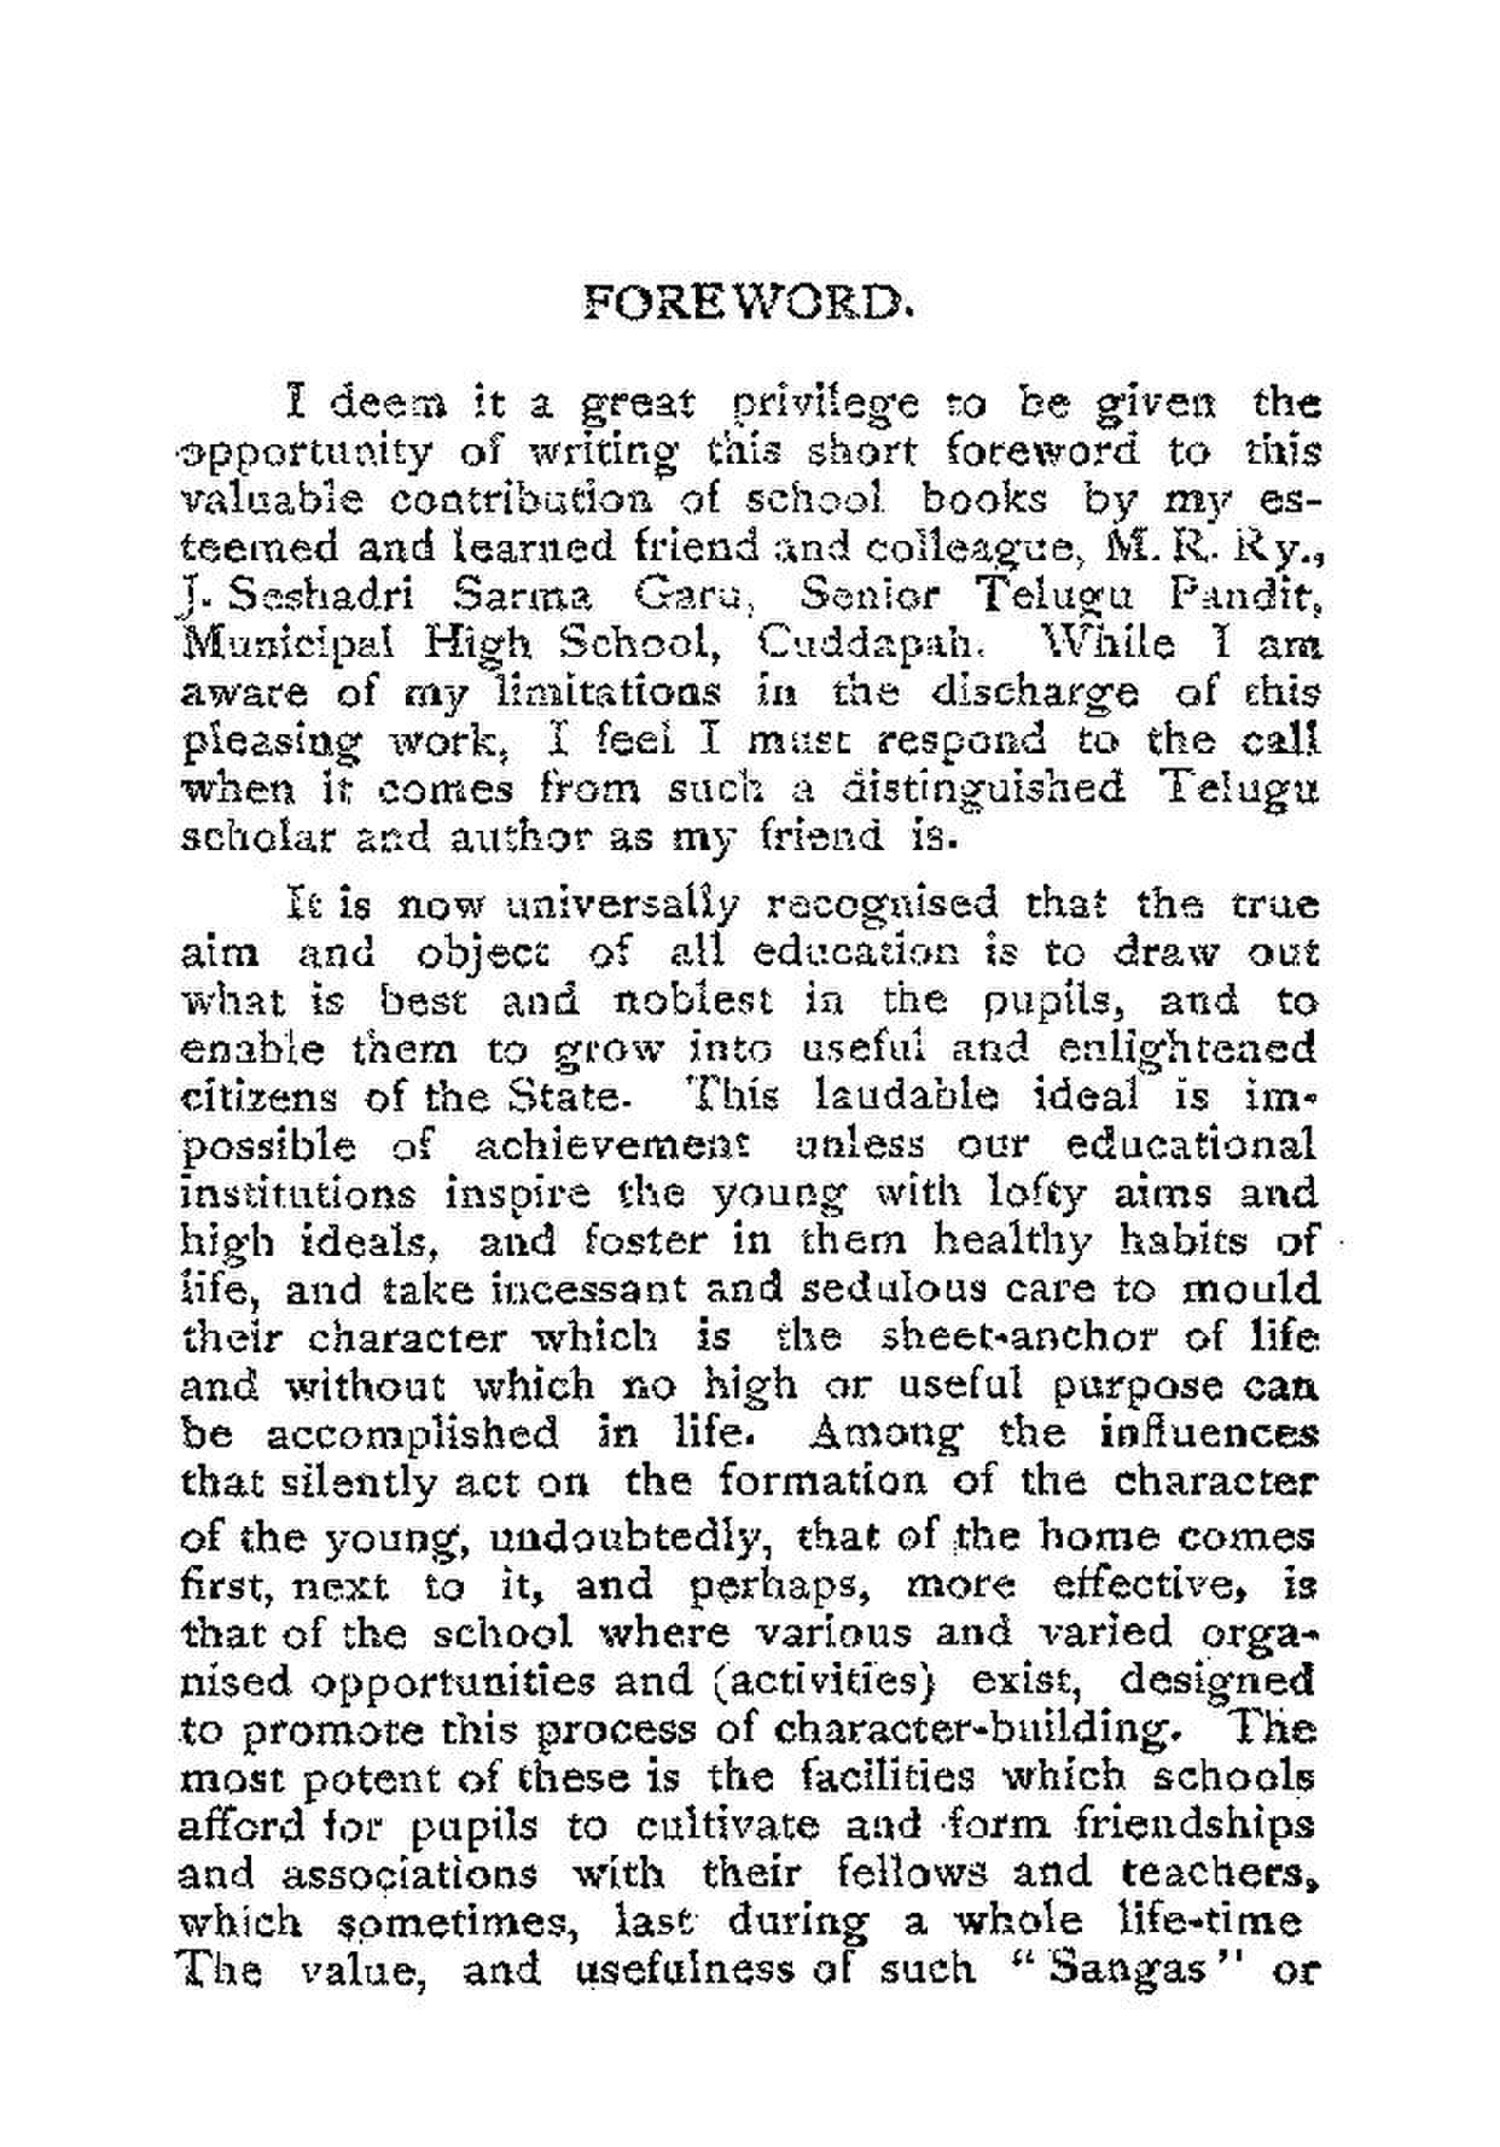I deem it a great privilege to be given the opportunity of writing this short foreword to this valuable contribution of school books by my esteemned and learned friend and colleague, M.R. Ry., 1. Seshadri Sarma Garu, Senior Telugu Pandit, Municipal High School, Cuddapah. While I am aware of my limitations in the discharge of this pleasing work, I feel I must respond to the call when it comes from such a distinguished Telugu scholar and author as my friend is.

It is now universally racognised that the true aim and object of all education is to draw out what is best and noblest in the pupils, and to enable them to grow into useful and enlightened citizens of the State. This laudable ideal iş im. possible of achievement unless our educational institutions inspire the young with lofty aims and high ideals, and foster in them healthy habits of life, and take incessant and sedulous care to mould their character which is the sheet-anchor of life: and without which no high or useful purpose can be accomplished in life. Among the influences that silently act on the formation of the character of the young, undoubtedly, that of the home comes first, next to it, and perhaps, more effective, is that of the school where various and varied organised opportunities and (activities) exist, designed to promote this process of character-building. The most potent of these is the facilities which schools afford for pupils to cultivate and form friendships and associations with their fellows and teachers, which sometimes, last during a whole life-time The value, and usefulness of such “Sangas" or